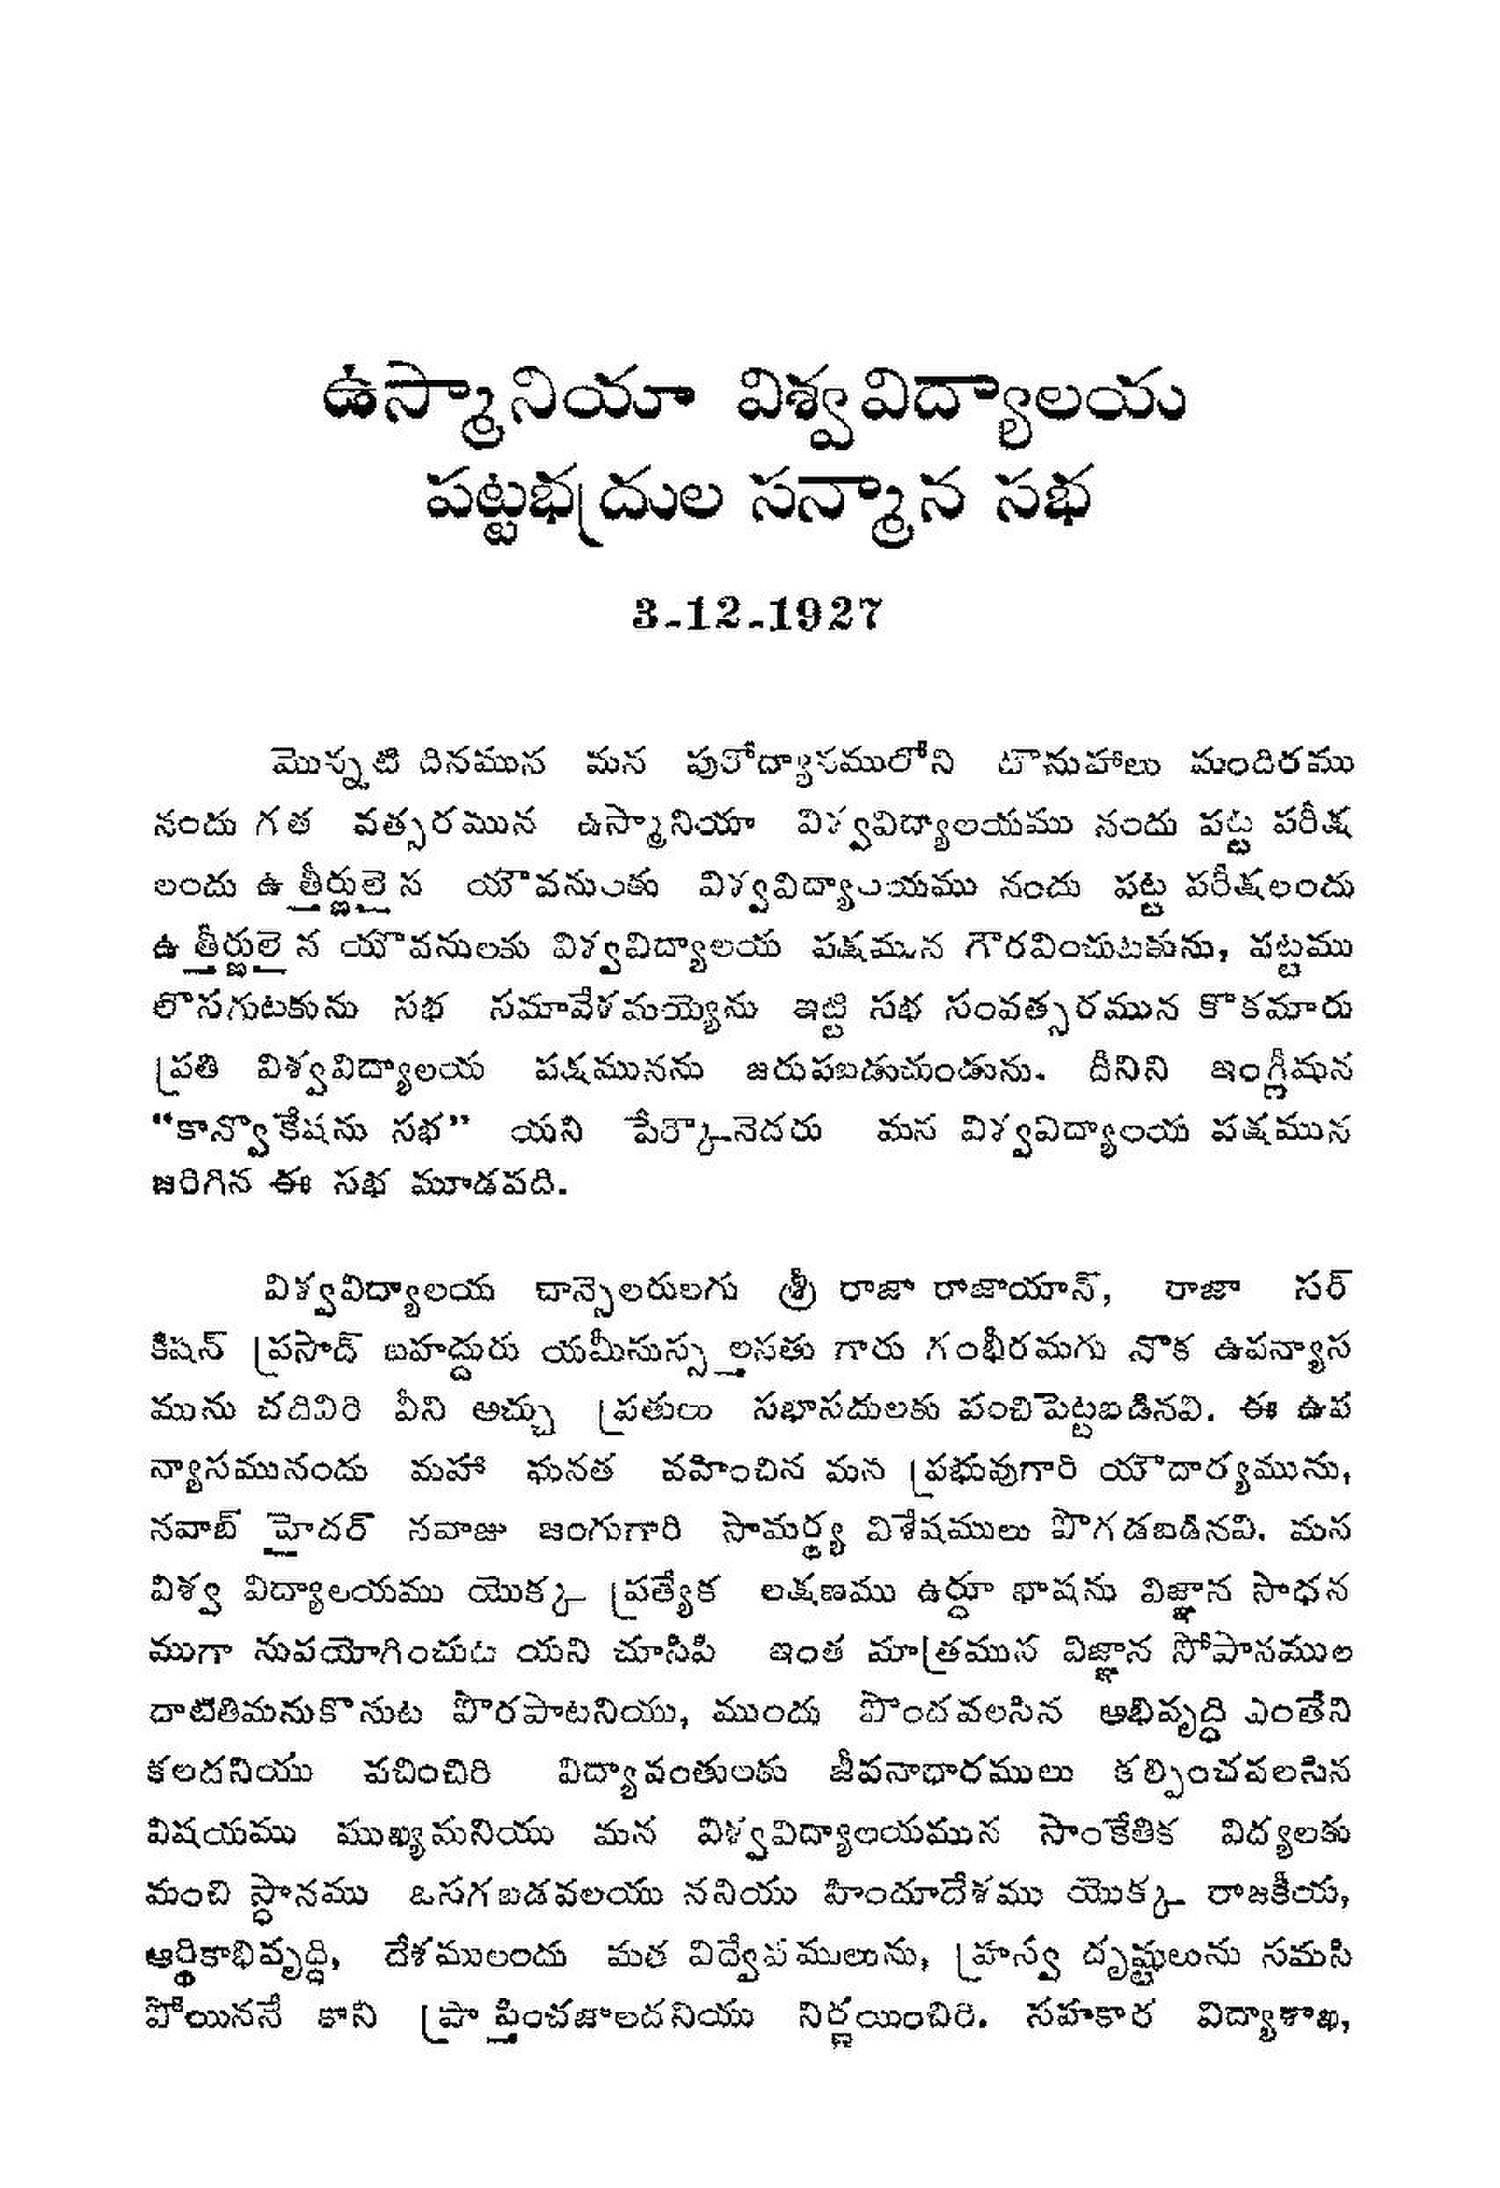ఉస్మానియా విశ్వవిద్యాలయ పట్టభద్రుల సన్మాన సభ

3-12-1927

మొన్నటి దినమున మన పురోద్యానములోని టౌనుహాలు మందిరమునందు గత వత్సరమున ఉస్మానియా విశ్వవిద్యాలయము నందు పట్ట పరీక్షలందు ఉత్తీర్ణులైన యౌవనులకు విశ్వవిద్యాలయము నందు పట్ట పరీక్షలందు
ఉత్తీర్ణులైన యౌవనులకు విశ్వవిద్యాలయ పక్షమున గౌరవించుటకును, పట్టము లొసగుటకును సభ సమావేశమయ్యెను ఇట్టి సభ సంవత్సరమున కొకమారు ప్రతి విశ్వవిద్యాలయ పక్షమునను జరుపబడుచుండును. దీనిని ఇంగ్లీషున “కాన్వొకేషను సభ” యని పేర్కొనెదరు మన విశ్వవిద్యాలయ పక్షమున జరిగిన ఈ సభ మూడవది.

విశ్వవిద్యాలయ చాన్సెలరులగు శ్రీ రాజా రాజాయాస్, రాజా సర్ కిషన్ ప్రసాద్ బహద్దురు యమీసుస్సల్తసతు గారు గంభీరమగు నొక ఉపన్యాసమును చదివిరి వీని అచ్చు ప్రతులు సభాసదులకు పంచి పెట్టబడినవి. ఈ ఉపన్యాసమునందు మహా ఘనత వహించిన మన ప్రభువుగారి యౌదార్యమును, నవాబ్ హైదర్ నవాజు జంగుగారి సామర్థ్య విశేషములు పొగడబడినవి. మన విశ్వ విద్యాలయము యొక్క ప్రత్యేక లక్షణము ఉర్దూ భాషను విజ్ఞాన సాధనముగా నుపయోగించుట యని చూసిపి ఇంత మాత్రమున విజ్ఞాన సోపానముల దాటితిమనుకొనుట పొరపాటనియు, ముందు పొందవలసిన అభివృద్ధి ఎంతేని కలదనియు వచించిరి విద్యావంతులకు జీవనాధారములు కల్పించవలసిన విషయము ముఖ్యమనియు మన విశ్వవిద్యాలయమున సాంకేతిక విద్యలకు
మంచి స్థానము ఒసగబడవలయు ననియు హిందూదేశము యొక్క రాజకీయ, ఆర్థికాభివృద్ధి, దేశములందు మత విద్వేషములును, హ్రస్వ దృష్టులును సమసి పోయిననే కాని ప్రాప్తించజాలదనియు నిర్ణయించిరి. సహకార విద్యాశాఖ,